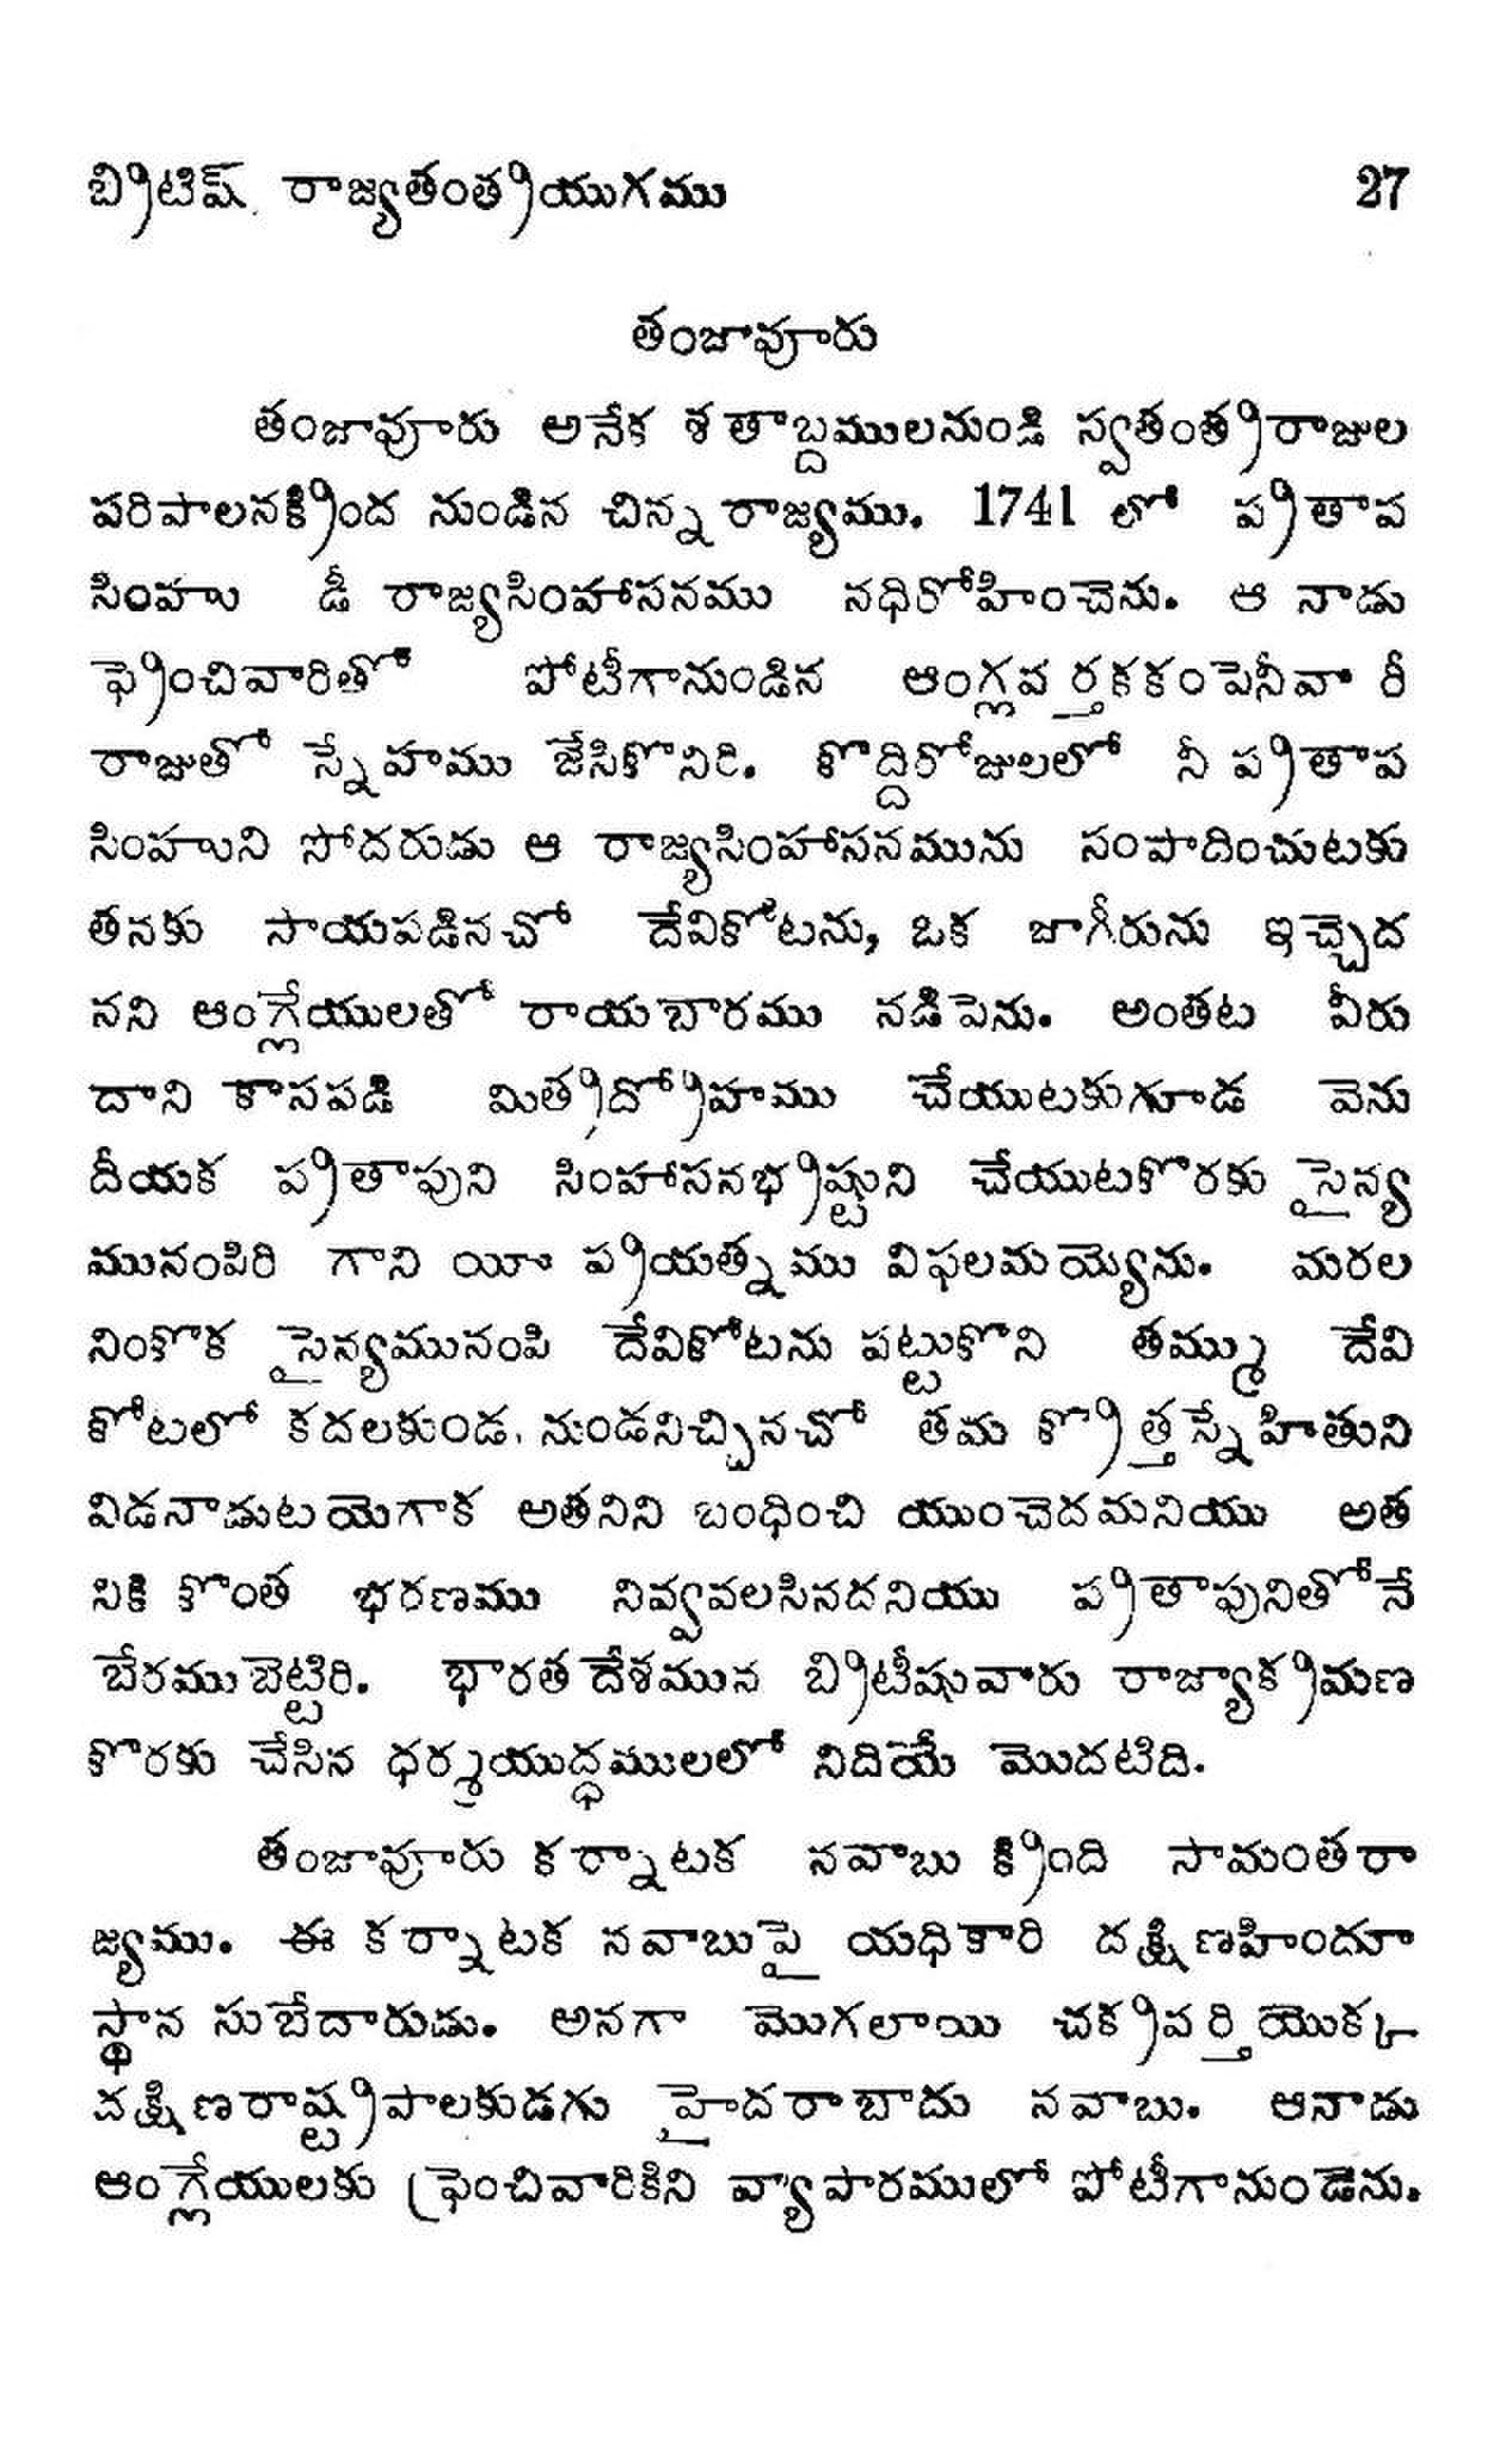తంజావూరు 

తంజావూరు అనేక శతాబ్దములనుండి స్వతంత్రరాజుల పరిపాలనక్రింద నుండిన చిన్న రాజ్యము. 1741 లో ప్రతాపసింహు డీ రాజ్యసింహాసనము నధిరోహించెను. ఆ నాడు ఫ్రెంచివారితో పోటీగానుండిన ఆంగ్లవర్తకకంపెనీవా రీ రాజుతో స్నేహము జేసికొనిరి. కొద్దిరోజులలో నీ ప్రతాపసింహుని సోదరుడు ఆ రాజ్యసింహాసనమును సంపాదించుటకు తనకు సాయపడినచో దేవికోటను, ఒక జాగీరును ఇచ్చెదనని ఆంగ్లేయులతో రాయబారము నడిపెను. అంతట వీరు దాని కాసపడి మిత్రద్రోహము చేయుటకుగూడ వెనుదీయక ప్రతాపుని సింహాసనభ్రష్టుని చేయుటకొరకు సైన్యమునంపిరి గాని యీ ప్రయత్నము విఫలమయ్యెను. మరల నింకొక సైన్యమునంపి దేవికోటను పట్టుకొని తమ్ము దేవికోటలో కదలకుండ, నుండనిచ్చినచో తమ క్రొత్తస్నేహితుని విడనాడుటయేగాక అతనిని బంధించి యుంచెదమనియు అతనికి కొంత భరణము నివ్వవలసినదనియు ప్రతాపునితోనే బేరముబెట్టిరి. భారతదేశమున బ్రిటీషువారు రాజ్యాక్రమణ కొరకు చేసిన ధర్మయుద్ధములలో నిదియే మొదటిది.

తంజావూరు కర్నాటక నవాబు క్రింది సామంతరాజ్యము. ఈ కర్నాటక నవాబుపై యధికారి దక్షిణహిందూస్థాన సుబేదారుడు. అనగా మొగలాయి చక్రవర్తియొక్క దక్షిణరాష్ట్రపాలకుడగు హైదరాబాదు నవాబు. ఆనాడు ఆంగ్లేయులకు ఫ్రెంచివారికిని వ్యాపారములో పోటీగానుండెను.